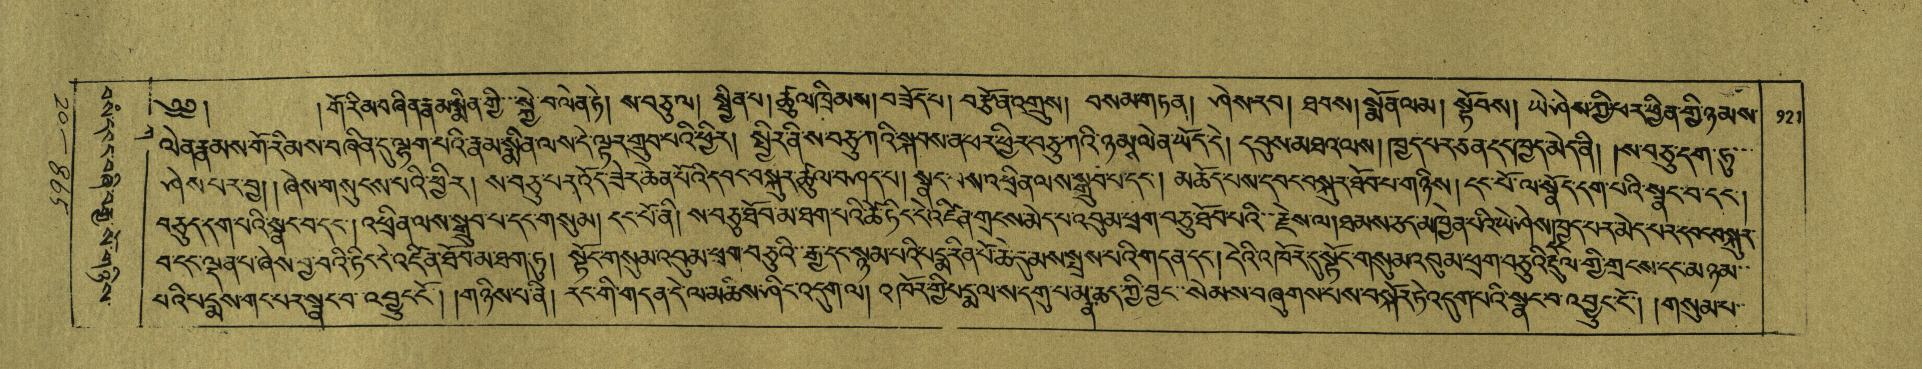༄༅། །གོ་རིམ་བཞིན་རྣམ་སྨིན་གྱི་སྐྱེ་བ་ལེན་ཏེ། ས་བཅུ་ལ། སྦྱིན་པ། ཚུལ་ཁྲིམས། བཟོད་པ། བརྩོན་འགྲུས། བསམ་གཏན། ཤེས་རབ། ཐབས། སྨོན་ལམ། སྟོབས། ཡེ་ཤེས་ཀྱི་ཕར་ཕྱིན་གྱི་ཉམས་
ལེན་རྣམས་གོ་རིམས་བཞིན་དུ་ལྷག་པའི་རྣམ་སྨིན་ལས་དེ་ལྟར་གྲུབ་པའི་ཕྱིར། སྤྱིར་ནི་ས་བཅུ་ཀའི་སྐབས་ན་ཕར་ཕྱིར་བཅུ་ཀའི་ཉམས་ལེན་ཡོད་དེ། དབུས་མཐའ་ལས། ཁྱད་པར་ཅན་དང་ཁྱད་མེད་ནི། །ས་བཅུ་དག་ཏུ་
ཤེས་པར་བྱ། །ཞེས་གསུངས་པའི་ཕྱིར། ས་བཅུ་པར་འོད་ཟེར་ཆེན་པོའི་དབང་བསྐུར་ཚུལ་བཤད་པ། སྣང་བས་འཕྲིན་ལས་སྒྲུབ་པ་དང་། མཆོད་པས་དབང་བསྐུར་ཐོབ་པ་གཉིས། དང་པོ་ལ་སྣོད་དག་པའི་སྣང་བ་དང་།
བཅུད་དག་པའི་སྣང་བ་དང་། འཕྲིན་ལས་སྒྲུབ་པ་དང་གསུམ། དང་པོ་ནི། ས་བཅུ་ཐོབ་མ་ཐག་པའི་ཚེ་ཏིང་ངེ་འཛིན་གྲངས་མེད་པ་འབུམ་ཕྲག་བཅུ་ཐོབ་པའི་རྗེས་ལ་།ཐམས་ཅད་མཁྱེན་པའི་ཡེ་ཤེས་ཁྱད་པར་མེད་པར་དབང་བསྐུར་
བ་དང་ལྡན་པ་ཞེས་བྱ་བའི་ཏིང་ངེ་འཛིན་ཐོབ་མ་ཐག་ཏུ། སྟོང་གསུམ་འབུམ་ཕྲག་བཅུའི་རྒྱ་དང་སྙམ་པའི་པདམ་རིན་པོ་ཆེ་དུ་མས་སྤྲས་པའི་གདན་དང་། དེའི་འཁོར་དུ་སྟོང་གསུམ་འབུམ་ཕྲག་བཅུའི་རྡུལ་གྱི་གྲངས་དང་མཉམ་
པའི་པདམས་གང་པར་སྣང་བ་འབྱུང་ངོ། །གཉིས་པ་ནི། རང་གི་གདན་དེ་ལ་མཆིས་ཤིང་འདུག་ལ། འཁོར་གྱི་པདམ་ལ་ས་དགུ་པ་མན་ཆད་ཀྱི་བྱང་སེམས་བཞུགས་པས་བསྐོར་ཏེ་འདུག་པའི་སྣང་བ་འབྱུང་ངོ། །གསུམ་པ་